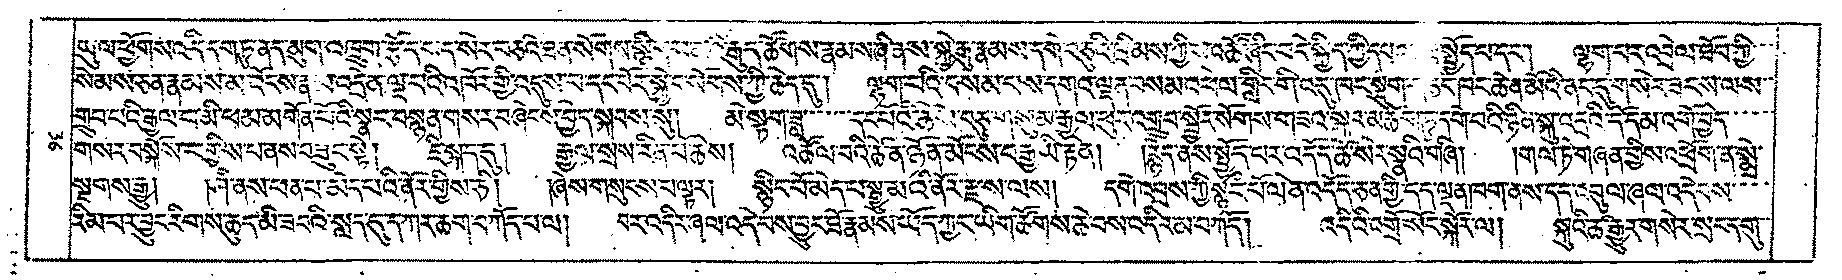ཡུལ་ཕྱོགས་འདི་དག་ཏུ་ནད་མུག་འཁྲུག་རྩོད་སད་སེར་བཙའ་ཐན་སོགས་སྙིགས་མའི་རྒུད་ཚོགས་རྣམས་ཞི་ནས་སྐྱེ་རྒུ་རྣམས་དགེ་བཅུའི་ཁྲིམས་ཀྱིས་འཚོ་ཞིང་བདེ་སྐྱིད་ཀྱི་དཔལ་ལ་སྤྱོད་པ་དང་། ལྷག་པར་འབྲེལ་ཐོབ་ཀྱི་
སེམས་ཅན་རྣམས་མ་འོངས་རྣམ་འདྲེན་ལྔ་པའི་འཁོར་གྱི་འདུས་པ་དང་པོར་སྐྱེ་བ་སོགས་ཀྱི་ཆེད་དུ། ལྷག་པའི་བསམ་པས་དགའ་ལྡན་བསམ་འཕེལ་གླིང་གི་འདུ་ཁང་སྦུག་གཙང་ཁང་ཆེན་མོའི་ནང་དུ་གསེར་ཟངས་ལས་
གྲུབ་པའི་རྒྱལ་བ་མི་ཕམ་མགོན་པོའི་སྣང་བསྙན་གསར་བཞེངས་བྱེད་སྐབས་སུ། མེ་སྟག་ཟླ་དང་པོའི་ཚེས་བཅུ་གསུམ་རྒྱལ་ཕུར་འགྲུབ་སྦྱོར་སོགས་གཟའ་སྐར་མཆོག་ཏུ་དགེ་བའི་ཉིན་སྐུ་འདྲའི་དོ་དམ་འགོ་བྱེད་
གསར་བསྐོས་བགྱིས་པ་ནས་བཟུང་སྟེ། ཇི་སྐད་དུ། རྒྱལ་སྲས་རིན་པོ་ཆེས། འཚོལ་བའི་ཚེ་ན་ཉོན་མོངས་བརྒྱ་ཡི་རྟེན། །རྙེད་ནས་སྤྱོད་པར་འདོད་ཚེ་སེར་སྣའི་གཞི། །གལ་ཏེ་གཞན་གྱིས་འཕྲོག་ན་སྨྲེ་
སྔགས་རྒྱུ། །ཤི་ནས་ཕན་པ་མེད་པའི་ནོར་གྱིས་ཅི། །ཞེས་གསུངས་པ་ལྟར། སྙིང་པོ་མེད་པ་སྒྱུ་མའི་ནོར་རྫས་ལས། དགེ་འབྲས་ཀྱི་སྙིང་པོ་ལེན་འདོད་ཅན་གྱི་དད་ལྡན་ཁག་ནས་དད་འབུལ་ཞལ་འདེབས་
རིམ་པར་བྱུང་རིགས་ཆུད་མི་ཟ་བའི་སླད་དུ་དཀར་ཆག་བཀོད་པ་ལ། བར་འདིར་ཞལ་འདེབས་བྱུང་ཐོ་རྣམས་ཡོད་ཀྱང་ཡིག་ཚོགས་ཆེ་བས་འདིར་མ་བཀོད། འདིའི་འགྲོ་སོང་སྐོར་ལ། སྐུའི་ཚ་རྒྱུར་གསེར་སྲང་དགུ་